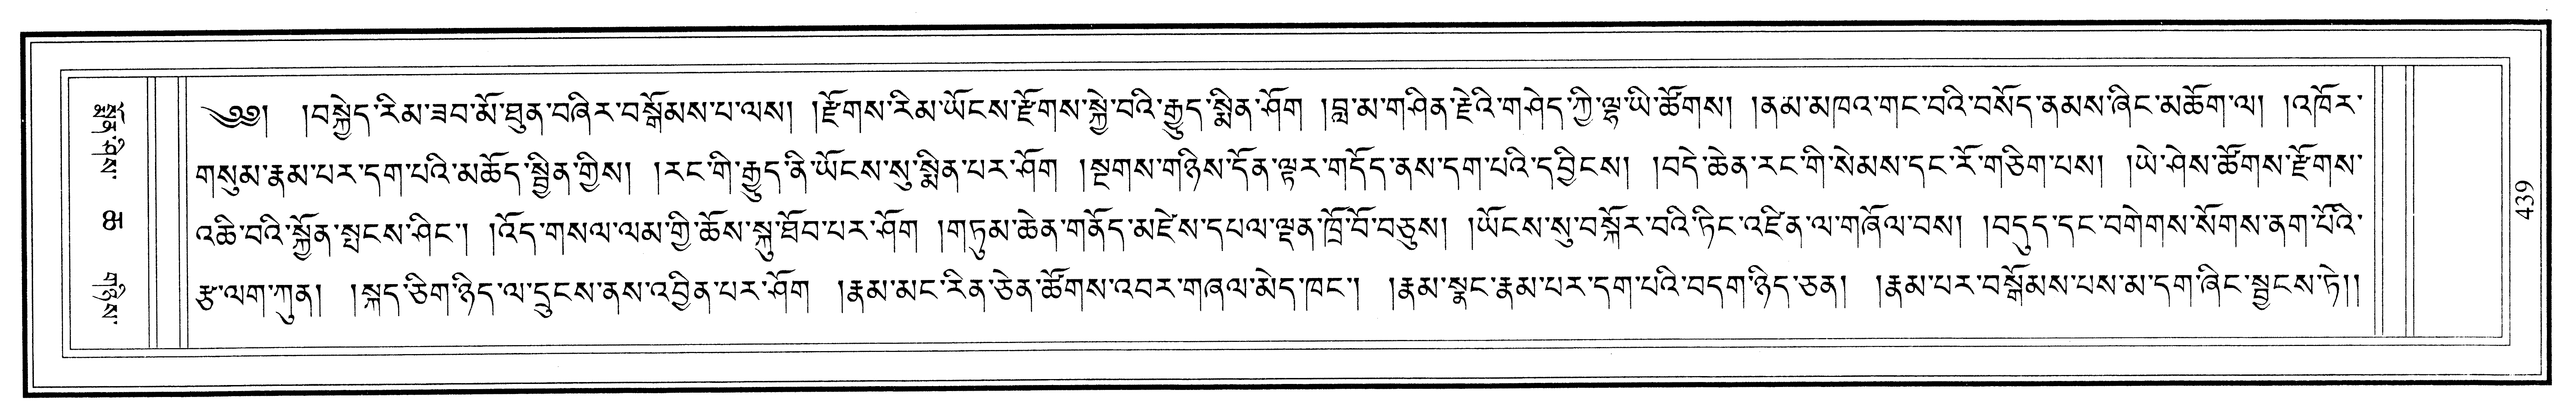༄༅། །བསྐྱེད་རིམ་ཟབ་མོ་ཐུན་བཞིར་བསྒོམས་པ་ལས། །རྫོགས་རིམ་ཡོངས་རྫོགས་སྐྱེ་བའི་རྒྱུད་སྨིན་ཤོག །བླ་མ་གཤིན་རྗེའི་གཤེད་ཀྱི་ལྷ་ཡི་ཚོགས། །ནམ་མཁའ་གང་བའི་བསོད་ནམས་ཞིང་མཆོག་ལ། །འཁོར་
གསུམ་རྣམ་པར་དག་པའི་མཆོད་སྦྱིན་གྱིས། །རང་གི་རྒྱུད་ནི་ཡོངས་སུ་སྨིན་པར་ཤོག །སྔགས་གཉིས་དོན་ལྟར་གདོད་ནས་དག་པའི་དབྱིངས། །བདེ་ཆེན་རང་གི་སེམས་དང་རོ་གཅིག་པས། །ཡེ་ཤེས་ཚོགས་རྫོགས་
འཆི་བའི་སྐྱོན་སྤངས་ཤིང་། །འོད་གསལ་ལམ་གྱི་ཆོས་སྐུ་ཐོབ་པར་ཤོག །གཏུམ་ཆེན་གནོད་མཛེས་དཔལ་ལྡན་ཁྲོ་བོ་བཅུས། །ཡོངས་སུ་བསྐོར་བའི་ཏིང་འཛིན་ལ་གཞོལ་བས། །བདུད་དང་བགེགས་སོགས་ནག་པོའི་
རྩ་ལག་ཀུན། །སྐད་ཅིག་ཉིད་ལ་དྲུངས་ནས་འབྱིན་པར་ཤོག །རྣམ་མང་རིན་ཅེན་ཚོགས་འབར་གཞལ་མེད་ཁང་། །རྣམ་སྣང་རྣམ་པར་དག་པའི་བདག་ཉིད་ཅན། །རྣམ་པར་བསྒོམས་པས་མ་དག་ཞིང་སྦྱངས་ཏེ།།